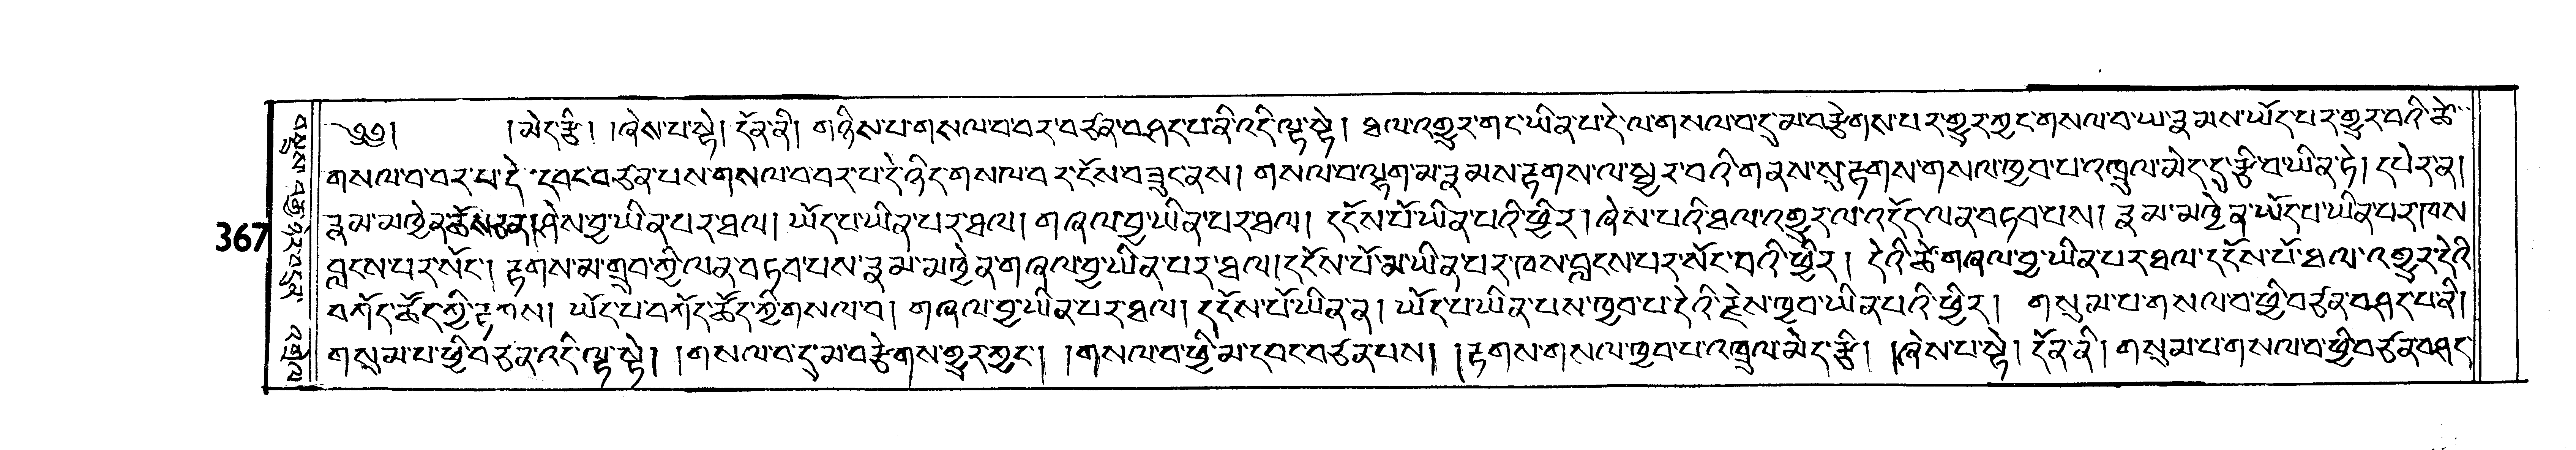༄༅། །མེད་རྩི། །ཞེས་པ་སྟེ། དོན་ནི། གཉིས་པ་གསལ་བ་བར་བཙན་བཤད་པ་ནི་འདི་ལྟ་སྟེ། ཐལ་འགྱུར་གང་ཡིན་པ་དེ་ལ་གསལ་བ་དུ་མ་བརྩེགས་པར་གྱུར་ཀྱང་གསལ་བ་ཡ་རྣམས་ཡོད་པར་གྱུར་བའི་ཚེ་
གསལ་བ་བར་པ་དེ་དབང་བཙན་པས་གསལ་བ་བར་པ་དེ་ཉིད་གསལ་བར་ངོས་བཟུང་ནས། གསལ་བ་ལྷག་མ་རྣམས་རྟགས་ལ་སྦྱར་བའི་གནས་སུ་རྟགས་གསལ་ཁྱབ་པ་འཁྲུལ་མེད་དུ་རྩི་བ་ཡིན་ཏེ། དཔེར་ན།
རྣམ་མཁྱེན་ཆོས་ཅན། ཤེས་བྱ་ཡིན་པར་ཐལ། ཡོད་པ་ཡིན་པར་ཐལ། གཞལ་བྱ་ཡིན་པར་ཐལ། དངོས་པོ་ཡིན་པའི་ཕྱིར། ཞེས་པའི་ཐལ་འགྱུར་ལ་འདོད་ལན་བཏབ་པས། རྣམ་མཁྱེན་ཡོད་པ་ཡིན་པར་ཁས་
བླངས་པར་སོང་། རྟགས་མ་གྲུབ་ཀྱི་ལན་བཏབ་པས་རྣམ་མཁྱེན་གཞལ་བྱ་ཡིན་པར་ཐལ། དངོས་པོ་མ་ཡིན་པར་ཁས་བླངས་པར་སོང་བའི་ཕྱིར། དེའི་ཚེ་གཞལ་བྱ་ཡིན་པར་ཐལ་དངོས་པོ་ཐལ་འགྱུར་དེའི་
བཀོད་ཚོད་ཀྱི་རྟགས། ཡོད་པ་བཀོད་ཚོད་ཀྱི་གསལ་བ། གཞལ་བྱ་ཡིན་པར་ཐལ། དངོས་པོ་ཡིན་ན། ཡོད་པ་ཡིན་པས་ཁྱབ་པ་དེའི་རྗེས་ཁྱབ་ཡིན་པའི་ཕྱིར། གསུམ་པ་གསལ་བ་ཕྱི་བཙན་བཤད་པ་ནི།
གསུམ་པ་ཕྱི་བཙན་འདི་ལྟ་སྟེ། །གསལ་བ་དུ་མ་བརྩེགས་གྱུར་ཀྱང་། །གསལ་བ་ཕྱི་མ་དབང་བཙན་པས། །རྟགས་གསལ་ཁྱབ་པ་འཁྲུལ་མེད་རྩི། །ཞེས་པ་སྟེ། དོན་ནི། གསུམ་པ་གསལ་བ་ཕྱི་བཙན་བཤད་